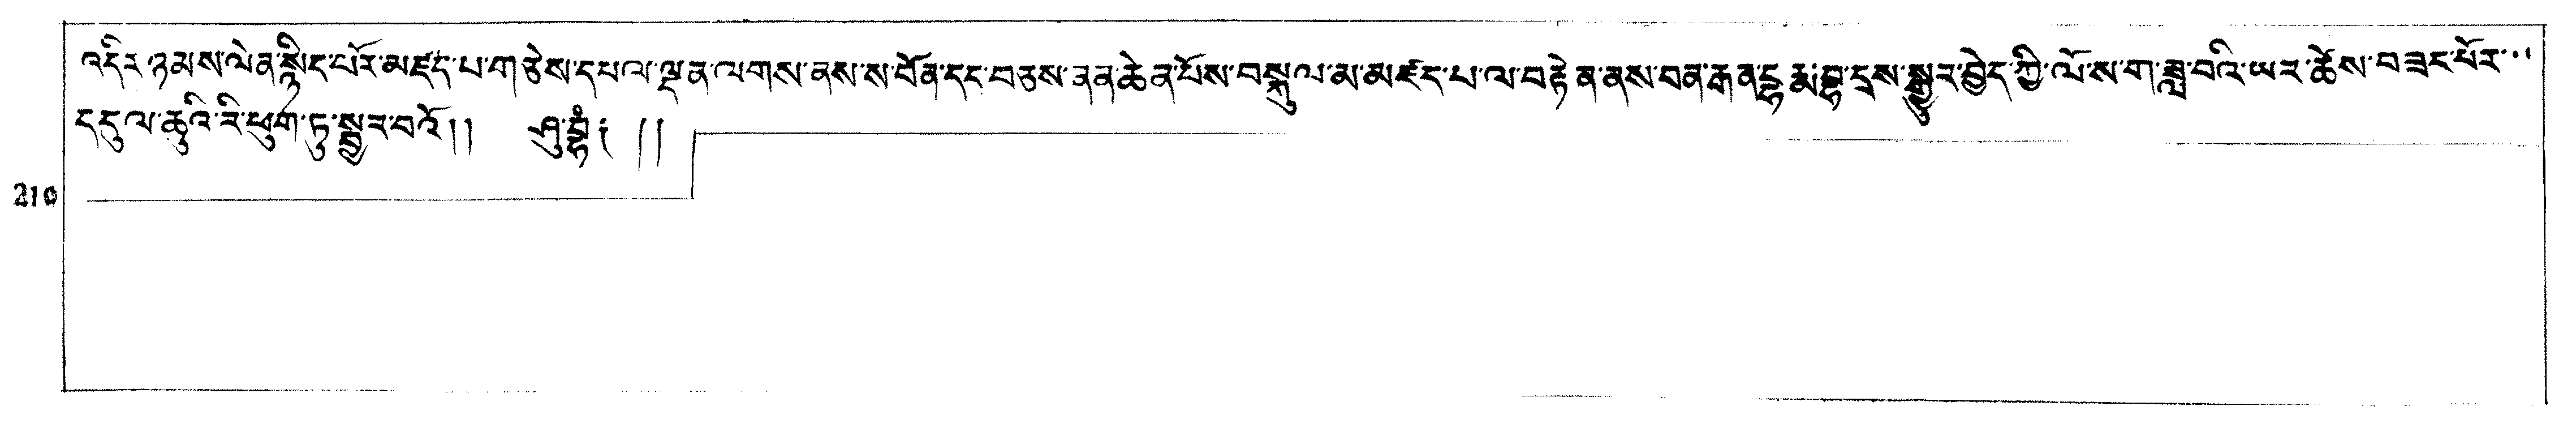འདིར་ཉམས་ལེན་སྙིང་པོར་མཛད་པ་གཅེས་དཔལ་ལྡན་ལགས་ནས་ས་བོན་དང་བཅས་ནན་ཆེན་པོས་བསྐུལ་མ་མཛད་པ་ལ་བརྟེན་ནས་བན་རྒན་དྷརྨ་བྷ་དྲས་སྒྱུར་བྱེད་ཀྱི་ལོ་ས་ག་ཟླ་བའི་ཡར་ཚེས་བཟང་པོར་
དངུལ་ཆུའི་རི་ཕུག་ཏུ་སྦྱར་བའོ།། ཤུ་བྷཾ༑ །།